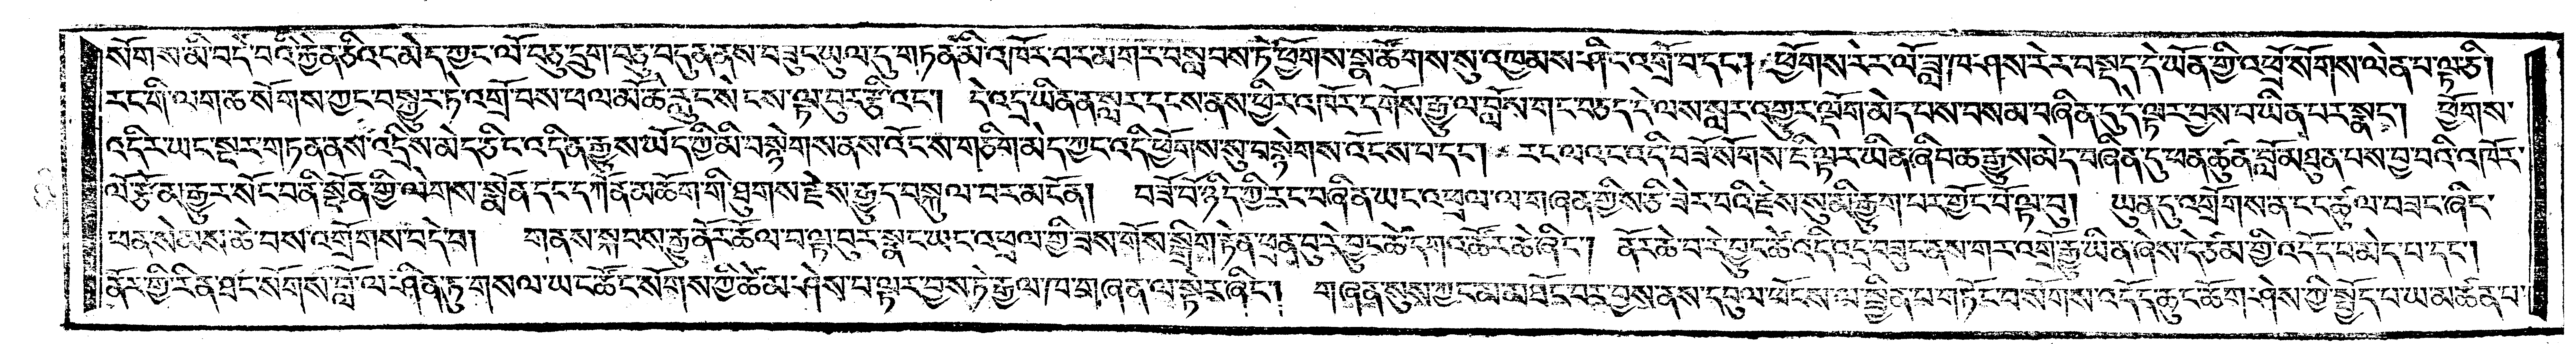སོགས་མི་བདེ་བའི་རྐྱེན་ཅིང་ང་མེད་ཀྱང་ལོ་བཅུ་དྲུག་བཅུ་བདུན་ནས་བཟུང་ཡུལ་དུ་གཏན་མི་འཁོར་བར་མགར་བསླབས་ཏེ་ཕྱོགས་སྣ་ཚོགས་སུ་འཁྱམས་ཤིང་འགྲོ་བ་དང་། ཕྱོགས་རེར་ལོ་ཟླ་ཁ་ཤས་རེར་བསྡད་དེ་ཡོན་གྱི་འཕྲོ་སོགས་ལེན་པ་ལྟ་ཅི།
རང་གི་ལག་ཆ་སོགས་ཀྱང་བསྐྱུར་ཏེ་འགྲོ་བས་ཕལ་མོ་ཆེ་རླུང་སེངས་ལྟ་བུར་རྩིའང་། དེ་འདྲ་ཡིན་ན་སླར་དངས་ནས་ཕྱིར་འཁོར་དགོས་རྒྱུ་ལ་བློས་གང་བཅད་དེ་ལས་སླར་འགྱུར་ལྡོག་མེད་བས་བསམ་བཞིན་དུ་དེ་ལྟར་བྱས་པ་ཡིན་པར་སྣང་། ཕྱོགས་
འདིར་ཡང་སྔར་གཏན་ནས་འདྲིས་མེད་ཅིང་འདི་ན་རྒྱུས་ཡོད་ཀྱི་མི་བསྙེགས་ནས་འོངས་གཅིག་མེད་ཀྱང་འདི་ཕྱོགས་སུ་བསྙེགས་འོངས་པ་དང་། རང་ལའང་འདི་བཟོ་སོགས་ཇི་ལྟར་ཡིན་ཞིབ་ཆ་རྒྱུས་མེད་བཞིན་དུ་ཕན་ཚུན་བློ་མཐུན་པས་བྱ་བའི་འཁོར་
ལོ་རྩོམ་རྒྱུར་སོང་བ་ནི་སྔོན་གྱི་ལེགས་སྨོན་དང་དཀོན་མཆོག་གི་ཐུགས་རྗེས་རྒྱུད་བསྐུལ་བར་མངོན། བཟོ་བོ་ཉིད་ཀྱི་རང་བཞིན་ཡང་འཕྲལ་ལ་གཞན་གྱིས་ཅི་ཟེར་བའི་རྗེས་སུ་མི་རྒྱུག་པར་གྱོང་བོ་ལྟ་བུ། ཡུན་དུ་འགྲོགས་ན་ངང་ཚུལ་བཟང་ཞིང་
ཕན་སེམས་ཆེ་བས་འགྲོགས་བདེ་བ། གནས་སྐབས་རྒྱུ་ནོར་ཆོལ་བ་ལྟ་བུར་སྣང་ཡང་འཕྲལ་གྱི་ཟས་གོས་སྒྲིག་རྟེན་ཕྲན་བུ་རེ་བྱུང་ཚེ་དགའ་ཚོར་ཆེ་ཞིང་། ནོར་ཆེ་བ་རེ་བྱུང་ཚེ་འདི་འདྲ་བ་བཟུང་ནས་གར་འགྲོ་རྒྱུ་ཡིན་ཞེས་དེ་ཙམ་གྱི་འདོད་པ་མེད་པ་དང་།
ནོར་གྱི་རིན་ཐང་སོགས་བློ་ལ་ཤིན་ཏུ་གསལ་ཡང་ཚོང་སོགས་ཀྱི་ཚེམ་ཤེས་པ་ལྟར་བྱས་ཏེ་རྒྱལ་ཁ་གཞན་ལ་སྟེར་ཞིང་། གཞན་སུས་ཀྱང་མ་མཐོང་བར་བྱས་ནས་དབུལ་ཕོངས་ཡ་སྦྱིན་བ་གཏོང་བ་སོགས་འདོད་ཆུང་ཆོག་ཤེས་ཀྱི་སྤྱོད་བ་ཡ་མཚན་པ་